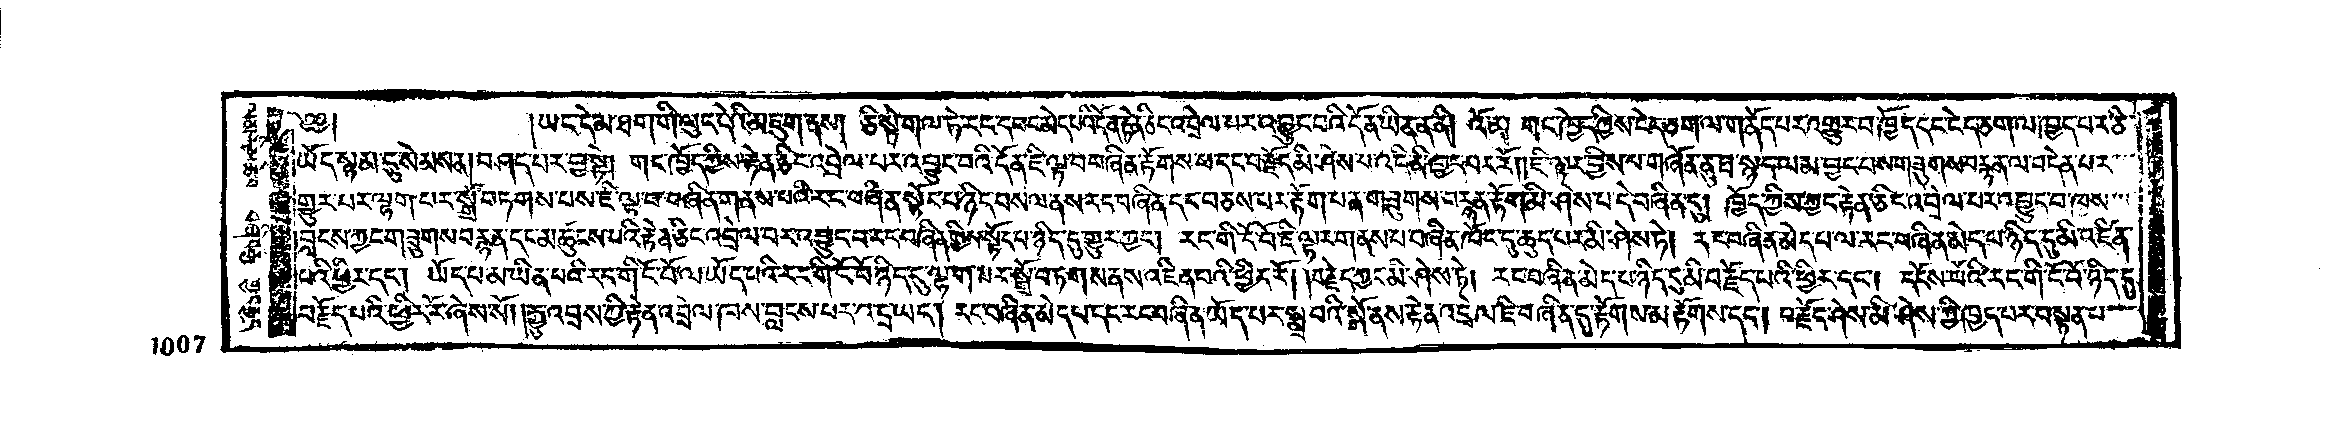༄༅། །ཡང་དེ་མ་ཐག་གི་ལུང་དེའི་མཇུག་ནས། ཅི་སྟེ་གལ་ཏེ་རང་དབང་མེད་པའི་དོན་རྟེན་ཅིང་འབྲེལ་པར་འབྱུང་བའི་དོན་ཡིན་ན་ནི། འོ་ན། གང་ཁྱེད་ཀྱིས་ངེད་ཅག་ལ་གནོད་པར་འགྱུར་བ་ཁྱོད་དང་ངེད་ཅག་ལ་ཁྱད་པར་ཅི་
ཡོད་སྙམ་དུ་སེམས་ན། བཤད་པར་བྱ་སྟེ། གང་ཁྱོད་ཀྱིས་རྟེན་ཅིང་འབྲེལ་པར་འབྱུང་བའི་དོན་ཇི་ལྟ་བ་བཞིན་རྟོགས་པ་དང་བརྗོད་མི་ཤེས་པ་འདི་ནི་ཁྱད་པར་རོ། །ཇི་ལྟར་བྱིས་པ་གཞོན་ནུ་ཐ་སྙད་ལ་མ་བྱང་བས་གཟུགས་བརྙན་ལ་བདེན་པར་
གྱུར་པར་ལྷག་པར་སྒྲོ་བཏགས་པས་ཇི་ལྟ་བ་བཞིན་གནས་པའི་རང་བཞིན་སྟོང་པ་ཉིད་བསལ་ནས་རང་བཞིན་དང་བཅས་པར་རྟོག་པ་ན་གཟུགས་བརྙན་རྟོག་མི་ཤེས་པ་དེ་བཞིན་དུ། ཁྱོད་ཀྱིས་ཀྱང་རྟེན་ཅིང་འབྲེལ་པར་འབྱུང་བ་ཁས་
བླངས་ཀྱང་གཟུགས་བརྙན་དང་མཚུངས་པའི་རྟེན་ཅིང་འབྲེལ་པར་འབྱུང་བ་རང་བཞིན་གྱིས་སྟོང་པ་ཉིད་དུ་གྱུར་ཀྱང་། རང་གི་ངོ་བོ་ཇི་ལྟར་གནས་པ་བཞིན་ཁོང་དུ་ཆུད་པར་མི་ཤེས་ཏེ། རང་བཞིན་མེད་པ་ལ་རང་བཞིན་མེད་པ་ཉིད་དུ་མི་འཛིན་
པའི་ཕྱིར་དང་། ཡོད་པ་མ་ཡིན་པའི་རང་གི་ངོ་བོ་ལ་ཡོད་པའི་རང་གི་ངོ་བོ་ཉིད་དུ་ལྷག་པར་སྒྲོ་བཏགས་ནས་འཛིན་པའི་ཕྱིར་རོ། །བརྗོད་ཀྱང་མི་ཤེས་ཏེ། རང་བཞིན་མེད་པ་ཉིད་དུ་མི་བརྗོད་པའི་ཕྱིར་དང་། དངོས་པོའི་རང་གི་ངོ་བོ་ཉིད་དུ་
བརྗོད་པའི་ཕྱིར་རོ་ཞེས་སོ། །རྒྱུ་འབྲས་ཀྱི་རྟེན་འབྲེལ་ཁས་བླངས་པར་འདྲ་ཡང་། རང་བཞིན་མེད་པ་དང་རང་བཞིན་ཡོད་པར་སྨྲ་བའི་སྒོ་ནས་རྟེན་འབྲེལ་ཇི་བཞིན་དུ་རྟོགས་མ་རྟོགས་དང་། བརྗོད་ཤེས་མི་ཤེས་ཀྱི་ཁྱད་པར་བསྟན་པ་